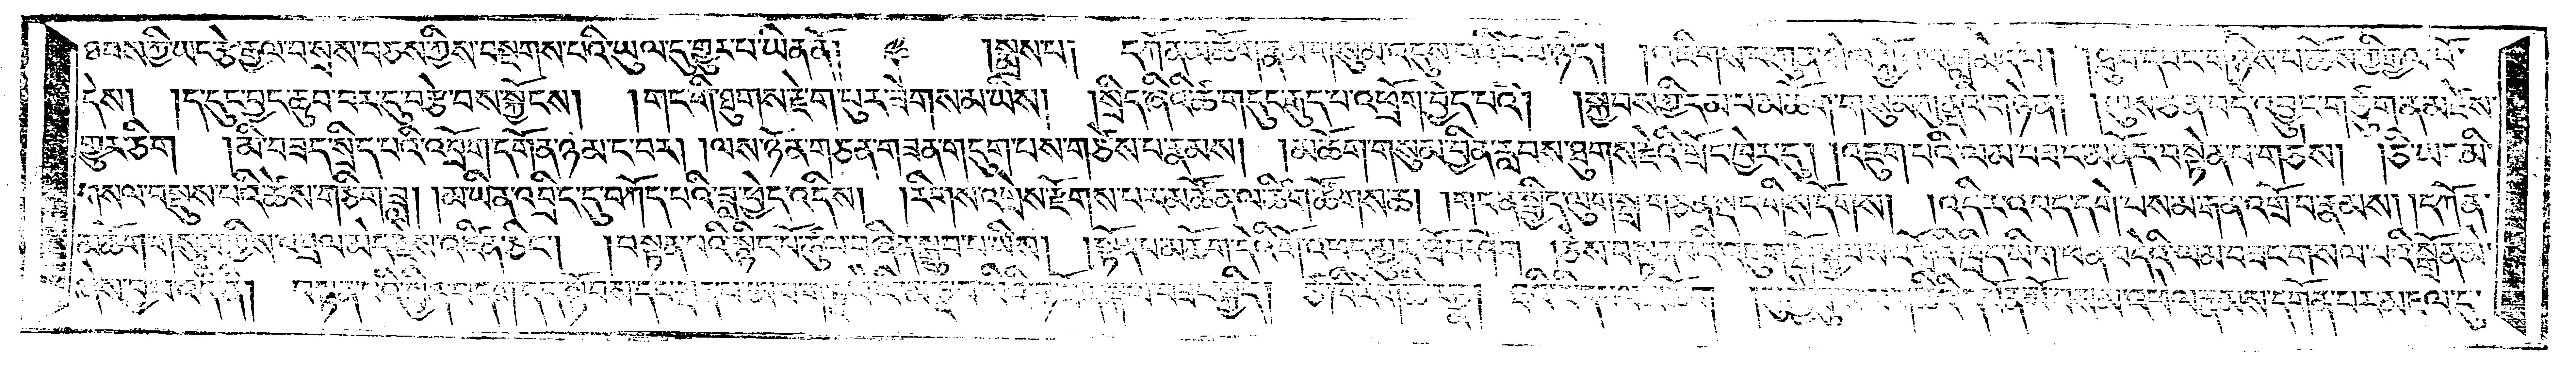ཐབས་ཀྱི་ཡང་རྩེ་རྒྱལ་བ་སྲས་བཅས་ཀྱིས་བསྔགས་པའི་ཡུལ་དུ་གྱུར་པ་ཡིན་ནོ། ༈ །སྨྲས་པ། དཀོན་མཆོག་རྣམ་གསུམ་འདུས་པའི་ངོ་བོ་ཉིད། །འཇིགས་པ་ཀུན་སེལ་སྐྱོབ་པ་ཟླ་མེད་པ། །ཐུབ་དབང་གཉིས་པ་ཆོས་ཀྱི་རྒྱལ་པོ་
དེས། །ད་དུང་བྱང་ཆུབ་བར་དུ་བརྩེ་བས་སྐྱོངས། །གང་གི་ཐུགས་རྗེ་ག་པུར་ཟེགས་མ་ཡིས། །སྲིད་ཞིའི་ཚ་གདུང་རྒུད་པ་འཕྲོག་བྱེད་པའི། །སྐྱབས་ཀྱི་དམ་པ་མཆོག་གསུམ་ཀུནྡའི་གཉེན། །ལུས་ཅན་བདེ་འབྱུང་གཙུག་ན་མཛེས་
གྱུར་ཅིག །མི་བཟད་སྲིད་པའི་འབྲོག་དགོན་ཉམ་ང་བར། །ལས་ཉོན་གཅན་གཟན་གདུག་པས་གཙེས་པ་རྣམས། །མཆོག་གསུམ་བྱིན་རླབས་ཐུགས་རྗེའི་གྲོང་ཁྱེར་དུ། །འཇུག་པའི་ལམ་བཟང་མ་ནོར་བསྟེན་པ་གཅེས། །ཅི་ཡང་མི་
གསལ་བསྡུས་པའི་ཚེ་གཅིག་ཟླ། །མ་ཡིན་འབྲིང་དུ་བཀོད་པའི་ཟླ་ཕྱེད་འདིས། །རིགས་འགྲེས་རྫོགས་པར་མཚོན་ལ་ཚིག་ཚོགས་ཆ། །གང་ན་སྒྱིད་ལུག་སྒྲ་གཅན་སྡང་གིས་དོགས། །འདིར་འབད་དགེ་བས་མ་རྒན་འགྲོ་བ་རྣམས། །དཀོན་
མཆོག་གསུམ་གྱིས་འབྲལ་མེད་རྗེས་འཛིན་ཅིང་། །བསྟན་པའི་སྙིང་པོ་ཚུལ་བཞིན་སྒྲུབ་པ་ཡིས། །སྟོན་པ་མཆོག་དེའི་གོ་འཕང་མྱུར་ཐོབ་ཤོག །ཅེས་བསྟན་པའི་འཇུག་སྒོ་སྐྱབས་འགྲོའི་ཁྲིད་ཡིག་ཕན་བདེའི་ལམ་བཟང་གསལ་བའི་སྒྲོན་མེ་
ཞེས་བྱ་བ་འདི་ནི། བསྟན་པའི་སྦྱིན་བདག་དང་སྟོབས་དང་ལྡན་པ་ཨ་བ་ག་ཏཱ་བཻ་ལི་མཧཱ་བ་ལིའི་ཧ་ཐོན་སྐལ་བཟང་སྐྱིད། ཙ་ཁི་རོག་ཆི་རཏྣ། ཐའི་ཇི་དཔལ་མཆོག །པུཎྱཻ་ཐུ་ས་ལག་ཆིའི་དཔོན་མོ་བསམ་འཕེལ་རྣམས་དགོན་པར་མཇལ་དུ་